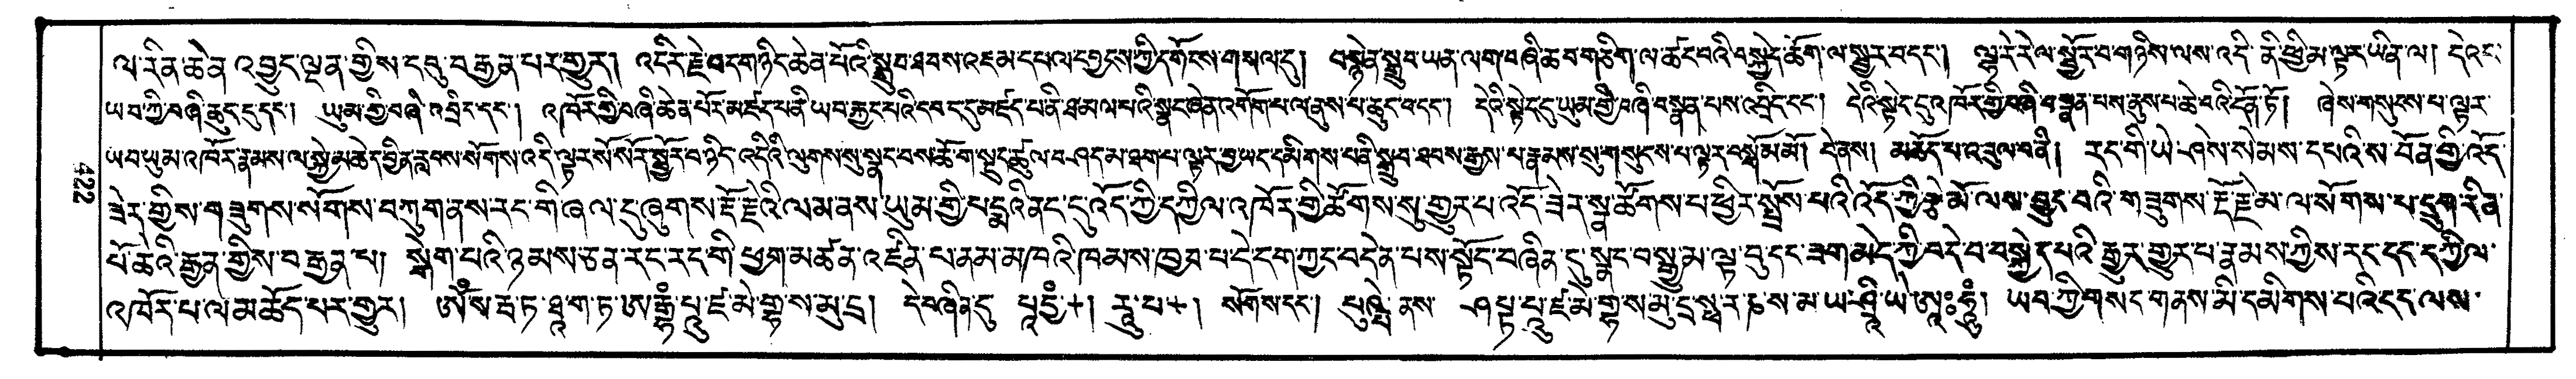ལ་རིན་ཆེན་འབྱུང་ལྡན་གྱིས་དབུ་བརྒྱན་པར་གྱུར། འདིར་རྗེ་བདག་ཉིད་ཆེན་པོའི་སྒྲུབ་ཐབས་འཇམ་དཔལ་དབྱངས་ཀྱི་དགོངས་གསལ་དུ། བསྙེན་སྒྲུབ་ཡན་ལག་བཞི་ཆར་གཅིག་ལ་ཚང་བའི་བསྐྱེད་ཚོག་ལ་སྦྱར་བ་དང་། ལྷ་རེ་རེ་ལ་སྦྱོར་བ་གཉིས་ལས་འདིར་ནི་ཕྱི་མ་ལྟར་ཡིན་ལ། དེའང་
ཡབ་ཀྱི་བཞི་ཆུང་དུ་དང་། ཡུམ་གྱི་གཞི་འབྲིང་དང་། འཁོར་གྱི་བཞི་ཆེན་པོར་མཛད་པ་ནི་ཡབ་རྐྱང་པའི་དབང་དུ་མཛད་པ་ནི་ཐ་མལ་བའི་སྣང་ཞེན་འགོག་པ་ལ་ནུས་པ་ཆུང་བ་དང་། དེའི་སྟེང་དུ་ཡུམ་གྱི་བཞི་བསྣན་པས་འབྲིང་དང་། དེའི་སྟེང་དུ་འཁོར་གྱི་བཞི་བསྣན་པས་ནུས་པ་ཆེ་བའི་དོན་ཏོ། ཞེས་གསུངས་པ་ལྟར་
ཡབ་ཡུམ་འཁོར་རྣམས་ལ་སྐྱེ་མཆེད་བྱིན་རླབས་སོགས་འདི་ལྟར་སོ་སོར་སྦྱོར་བ་ཉིད་འདིའི་ལུགས་སུ་སྣང་བས་ཆོ་ག་སྡུད་ཚུལ་བཤད་མ་ཐག་པ་ལྟར་བྱ་ཡང་དམིགས་པ་ཉིས་གྲུབ་ཐབས་རྒྱས་པ་རྣམས་སུ་གསུངས་པ་ལྟར་བསྒོམ་མོ། དེ་ནས། མཆོད་པ་འབུལ་བ་ནི། རང་གི་ཡེ་ཤེས་སེམས་དཔའི་ས་བོན་གྱི་འོད་
ཟེར་གྱིས་གཟུགས་སོགས་བཀུག་ནས་རན་གི་ཞལ་དུ་ཞུགས་རྡོ་རྗེའི་ལམ་ནས་ཡུམ་གྱི་པདམའི་ནང་དུ་འོད་ཀྱི་དཀྱིལ་འཁོར་གྱི་ཚོགས་སུ་གྱུར་པ་འོད་ཟེ་སྣ་ཚོགས་པ་ཕྱིར་སྤྲོས་པའི་འོད་ཀྱི་རྩེ་མོ་ལས་བྱུང་བའི་གཟུགས་རྡོ་རྗེ་མ་ལ་སོགས་པ་དྲུག་རིན་
པོ་ཆེའི་རྒྱན་གྱིས་བརྒྱན་པ། སྒེག་པའི་ཉམས་ཅན་རང་རང་གི་ཕྱག་མཚན་འཛིན་པ་ནམ་མཁའི་ཁམས་ཁྱབ་པ་དེ་དག་ཀྱང་བདེན་པས་སྟོང་བཞིན་དུ་སྣང་བ་སྒྱུ་མ་ལྟ་བུ་དང་ཟག་མེད་ཀྱི་བདེ་བ་བསྐྱེད་པའི་རྒྱུར་གྱུར་པ་རྣམས་ཀྱིས་རང་དང་དཀྱིལ་
འཁོར་པ་ལ་མཆོད་པར་གྱུར། ཨོཾ་སརྦ་ཏ་ཐཱ་ག་ཏ་ཨརྒྷཾ་པཱུ་ཛ་མ་གྷ་ས་མུ་དྲ། ཇེ་བཞིན་དུ་པཱ་དྱཾ་+། རཱུ་པ་+། སོགས་དང་། པུཥྤེ་ནས་ཤཔྟ་པཱུ་ཛ་མེ་གྷ་ར་ཎ་ས་མ་ཡ་ཤྲཱི་ཡེ་ཨཱཿ ཧཱུཾ། ཡབ་ཀྱི་གསང་གནས་མི་དམིགས་པའི་ངང་ལས་